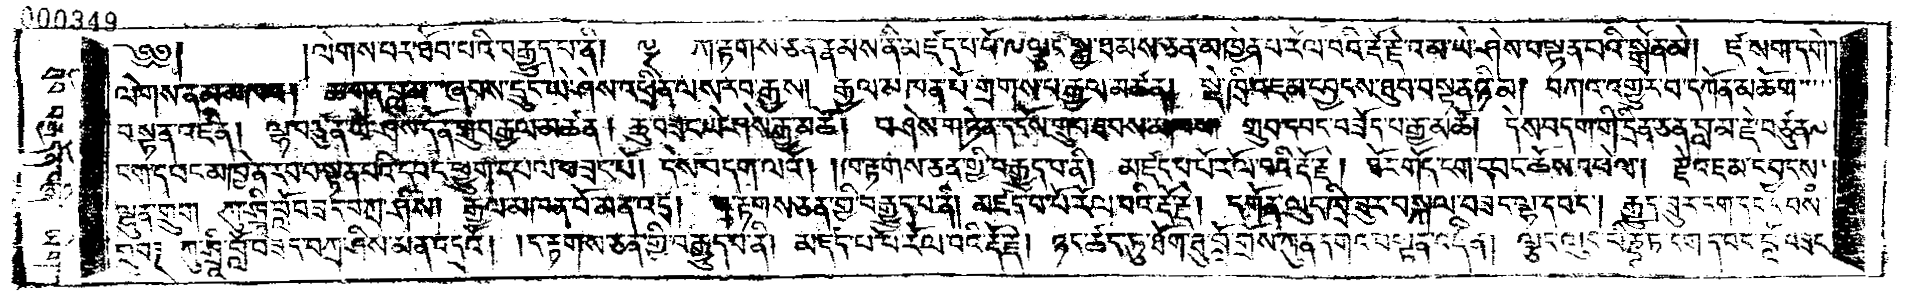༄༅། །ལེགས་པར་ཐོབ་པའི་བརྒྱུད་པ་ནི། ༈ ཀ་རྟགས་ཅན་རྣམས་ནི་མཛད་པ་པོ ༧་ལྕང་སྐྱ་ཐམས་ཅད་མཁྱེན་པ་རོལ་བའི་རྡོ་རྗེའམ་ཡེ་ཤེས་བསྟན་པའི་སྒྲོན་མེ། ཛ་སག་དགེ་
ལེགས་ནམ་མཁའ། ཆ་གན་བླ་མ་ཞབས་དྲུང་ཡེ་ཤེས་འཕྲིན་ལས་རབ་རྒྱས། རྒྱལ་མཁན་པོ་གྲགས་པ་རྒྱལ་མཚན། སྡེ་ཁྲི་འཇམ་དབྱངས་ཐུབ་བསྟན་ཉི་མ། བཀའ་འགྱུར་བ་དཀོན་མཆོག་
བསྟན་འཛིན། ལྷ་བཙུན་ཡེ་ཤེས་དོན་གྲུབ་རྒྱལ་མཚན། ཆུ་བཟང་ཡེ་ཤེས་རྒྱ་མཚོ། བཤེས་གཉེན་དངོས་གྲུབ་ཐབས་མཁས། གྲུབ་དབང་བཟོད་པ་རྒྱ་མཚོ། དེས་བདག་གི་དྲིན་ཅན་བླ་མ་རྗེ་བཙུན ༧
ངག་དབང་མཁྱེན་རབ་བསྟན་པའི་དབང་ཕྱུག་དཔལ་བཟང་པོ། དེས་བདག་ལའོ། །ཁ་རྟགས་ཅན་གྱི་བརྒྱུད་པ་ནི། མཛད་པ་པོ་རོལ་བའི་རྡོ་རྗེ། ཐོར་གོད་ངག་དབང་ཆོས་འཕེལ། རྗེ་འཇམ་དབྱངས་
ལྷུན་གྲུབ། ཀུ་ཤྲཱི་བློ་བཟང་བཀྲ་ཤིས། རྒྱལ་མཁན་པོ་མན་འདྲ། ག་རྟགས་ཅན་གྱི་བརྒྱུད་པ་ནི། མཛད་པ་པོ་རོལ་བའི་རྡོ་རྗེ། དགོན་ལུང་ཁྲི་ཟུར་བསྐལ་བཟང་ལྷ་དབང་། རྒྱུད་ཟུར་ངག་དབང་བསཾ་
གྲུབ༑ ཀུ་ཤྲཱི་བློ་བཟང་བཀྲ་ཤིས་མན་འདྲའོ། །ང་རྟགས་ཅན་གྱི་བརྒྱུད་པ་ནི། མཛད་པ་པོ་རོལ་བའི་རྡོ་རྗེ། ཉང་ཚད་ཏུ་ཐོག་ཐུ་བློ་གྲོས་ཀུན་དགའ་བསྟན་འཛིན། ལྕང་ལུང་པཎྚི་ཏ་ངག་དབང་བློ་བཟང་